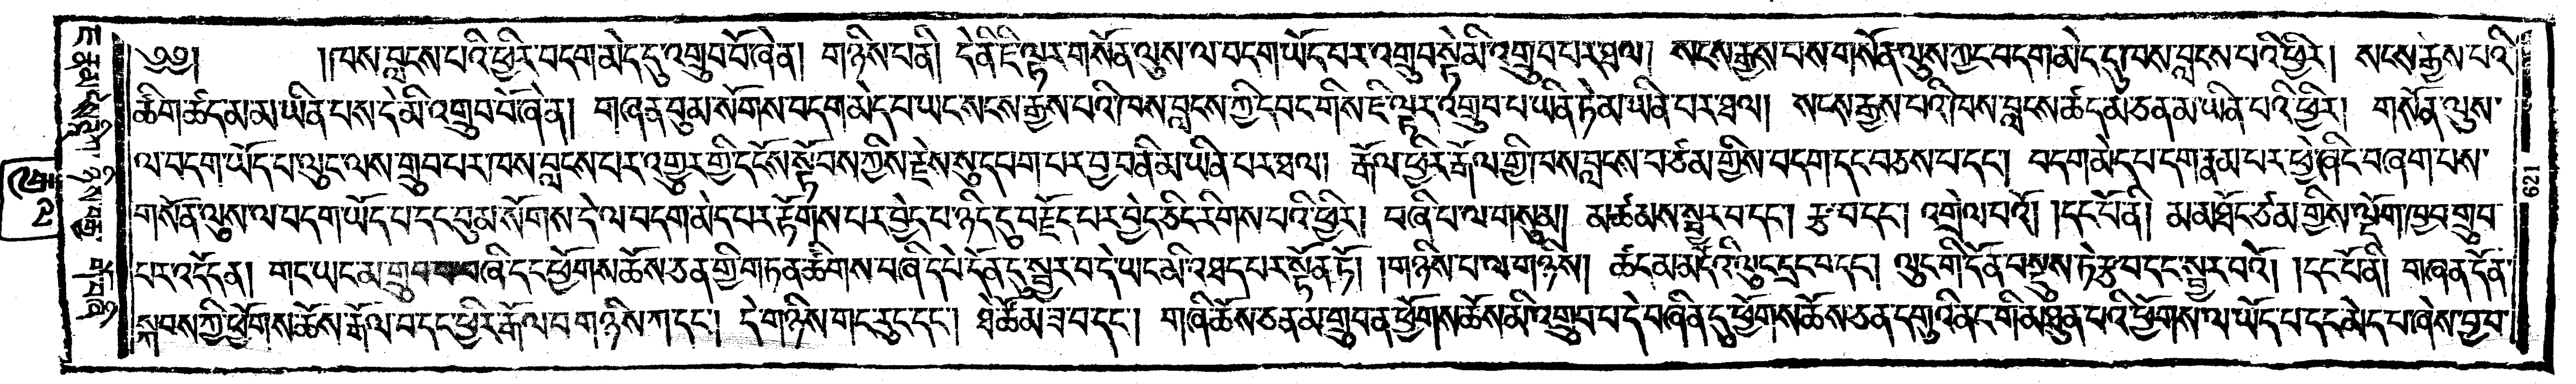༄༅། །ཁས་བླངས་པའི་ཕྱིར་བདག་མེད་དུ་འགྲུབ་བོ་ཞེ་ན། གཉིས་པ་ནི། དེ་ནི་ཇི་ལྟར་གསོན་ལུས་ལ་བདག་ཡོད་པར་འགྲུབ་སྟེ་མི་འགྲུབ་པར་ཐལ། སངས་རྒྱས་པས་གསོན་ལུས་ཀྱང་བདག་མེད་དུ་ཁས་བླངས་པའི་ཕྱིར། སངས་རྒྱས་པའི་
ཚིག་ཚད་མ་མ་ཡིན་པས་དེ་མི་འགྲུབ་བོ་ཞེ་ན། གཞན་བུམ་སོགས་བདག་མེད་པ་ཡང་སངས་རྒྱས་པའི་ཁས་བླངས་ཀྱི་དབང་གིས་ཇི་ལྟར་འགྲུབ་པ་ཡིན་ཏེ་མ་ཡིན་པར་ཐལ། སངས་རྒྱས་པའི་ཁས་བླངས་ཚད་མ་ཅན་མ་ཡིན་པའི་ཕྱིར། གསོན་ལུས་
ལ་བདག་ཡོད་པ་ལུང་ལས་གྲུབ་པར་ཁས་བླངས་པར་འགྱུར་གྱི་དངོས་སྟོབས་ཀྱིས་རྗེས་སུ་དཔག་པར་བྱ་བ་ནི་མ་ཡིན་པར་ཐལ། རྒོལ་ཕྱིར་རྒོལ་གྱི་ཁས་བླངས་པ་ཙམ་གྱིས་བདག་དང་བཅས་པ་དང་། བདག་མེད་པ་དག་རྣམ་པར་ཕྱེ་ཞིང་བཞག་པས་
གསོན་ལུས་ལ་བདག་ཡོད་པ་དང་བུམ་སོགས་དེ་ལ་བདག་མེད་པར་རྟོགས་པར་བྱེད་པ་ཉིད་དུ་བརྗོད་པར་བྱེད་ཅིང་རིགས་པའི་ཕྱིར། བཞི་པ་ལ་གསུམ། མཚམས་སྦྱར་བ་དང་། རྩ་བ་དང་། འགྲེལ་པའོ། །དང་པོ་ནི། མ་མཐོང་ཙམ་གྱིས་ལྡོག་ཁྱབ་གྲུབ་
པར་འདོད་ན། གང་ཡང་མ་གྲུབ་པ་བཞི་དང་ཕྱོགས་ཆོས་ཅན་གྱི་གཏན་ཚིགས་བཞི་དཔེ་དོན་དུ་སྦྱར་བ་དེ་ཡང་མི་འཐད་པར་སྟོན་ཏོ། །གཉིས་པ་ལ་གཉིས། ཚད་མ་མདོའི་ལུང་དྲང་བ་དང་། ལུང་གི་དོན་བསྡུས་ཏེ་རྩ་བ་དང་སྦྱར་བའོ། །དང་པོ་ནི། གཞན་དོན་
སྐབས་ཀྱི་ཕྱོགས་ཆོས་རྒོལ་བ་དང་ཕྱིར་རྒོལ་བ་གཉིས་ཀ་དང་། དེ་གཉིས་གང་རུང་དང་། ཐེ་ཚོམ་ཟ་བ་དང་། གཞི་ཆོས་ཅན་མ་གྲུབ་ན་ཕྱོགས་ཆོས་མི་འགྲུབ་པ་དེ་བཞིན་དུ་ཕྱོགས་ཆོས་ཅན་དགུའི་ནང་གི་མཐུན་པའི་ཕྱོགས་ལ་ཡོད་པ་དང་མེད་པ་ཞེས་བྱ་བ་